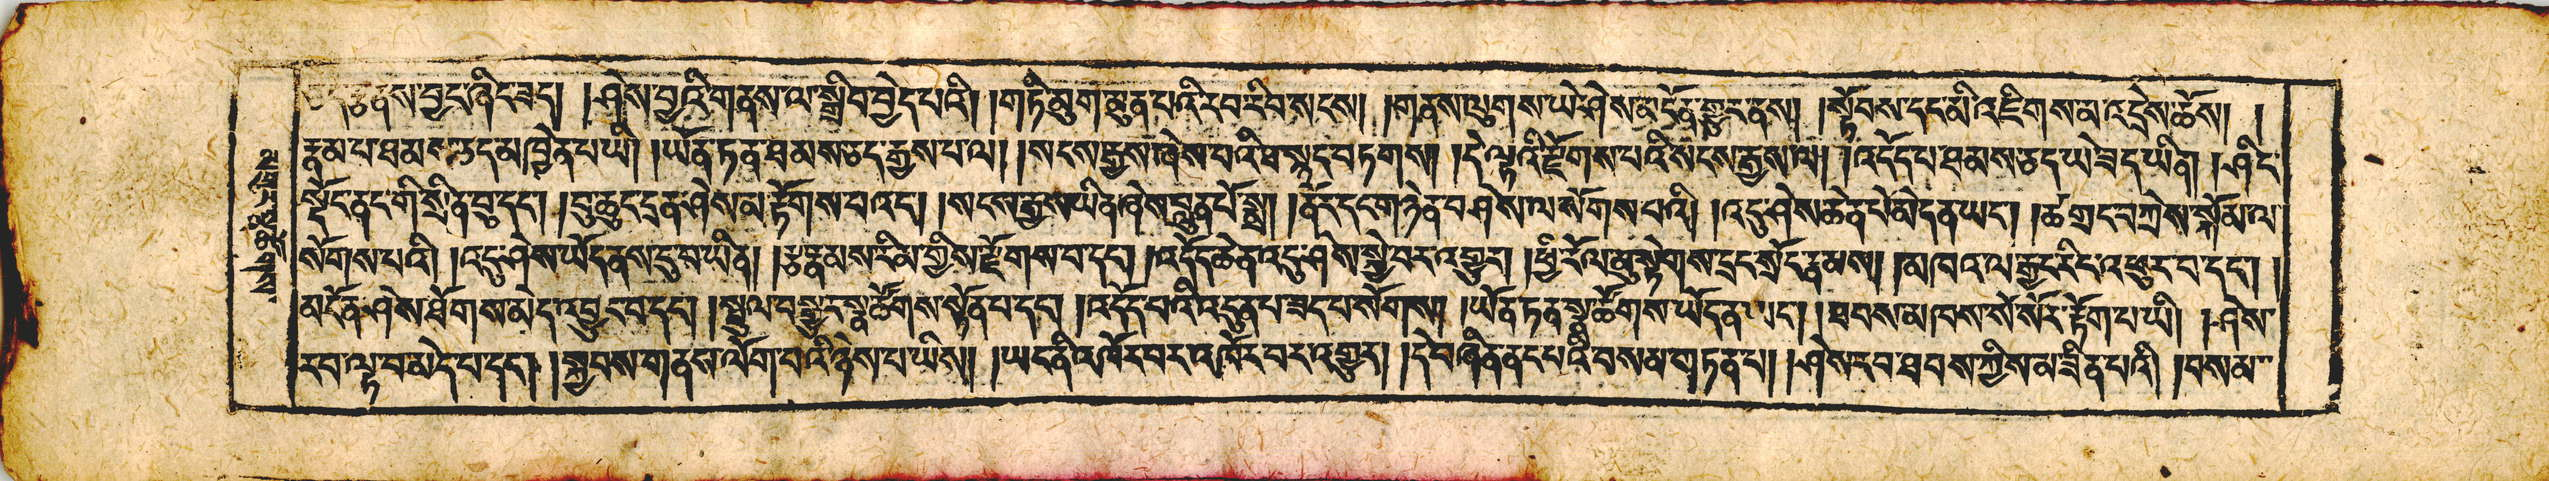ཅད་རྩ་ནས་བྱང་ཞིང་ཟད། །ཤེས་བྱའི་གནས་ལ་སྒྲིབ་བྱེད་པའི། །གཏི་མུག་མུན་པའི་རབ་རིབ་སངས། །གནས་ལུགས་ཡེ་ཤེས་མངོན་གྱུར་ནས། །སྟོབས་དང་མི་འཇིགས་མ་འདྲེས་ཆོས། །
རྣམ་པ་ཐམས་ཆད་མཁྱེན་པ་ཡི། །ཡོན་ཏན་ཐམས་ཅད་རྒྱས་པ་ལ། །སངས་རྒྱས་ཞེས་པའི་ཐ་སྙད་བཏགས། །དེ་ལྟའི་རྫོགས་པའི་སངས་རྒྱས་ལ། །འདོད་པ་ཐམསཅད་ཡེ་ཟད་ཡིན། །ཤིང་
སྡོང་ནང་གི་སྲིན་བུ་དང་། །བུ་ཆུང་དྲན་ཤེས་མ་རྟོགས་པའང། །སངས་རྒྱས་ཡིན་ཞེས་བླུན་པོ་སྨྲ། །ནོར་དང་གཉེན་བཤེས་ལ་སོགས་པའི། །འདུ་ཤེས་ཆེན་པོ་མེད་ན་ཡང་། །ཚ་གྲང་བཀྲེས་སྐོམ་ལ་
སོགས་པའི། །འདུ་ཤེས་ཡོད་ནས་ངུ་བ་ཡིན། །རྩ་རྣམས་རིམ་གྱིས་རྫོགས་པ་དང་། །འདོད་ཆེན་འདུ་ཤེས་སྐྱེ་བར་འགྱུར། །ཕྱི་རོལ་མུ་སྟེགས་དྲང་སྲོང་རྣམས། །མཁའ་ལ་རྒྱང་རིང་འཕུར་བ་དང་། །
མངོན་ཤེས་ཐོགས་མེད་འབྱུང་བ་དང་། །སྤྲུལ་བསྒྱུར་སྣ་ཚོགས་སྟོན་པ་དང་། །འདོད་པའི་འདུན་པ་ཟད་པ་སོགས། །ཡོན་ཏན་སྣ་ཚོགས་ཡོད་ན་ཡང་།།ཐབས་མཁས་སོ་སོར་རྟོག་པ་ཡི། །ཤེས་
རབ་ལྟ་བ་མེད་པ་དང། །སྐྱབས་གནས་ལོག་བའི་ཉེས་པ་ཡིས།། །ཡང་ནི་འཁོར་བར་འཁོར་བར་འགྱུར། །དེ་བཞིན་ནང་པའི་བསམ་གཏན་པ། །ཤེས་རབ་ཐབས་ཀྱིས་མ་ཟིན་པའི། །བསམ་